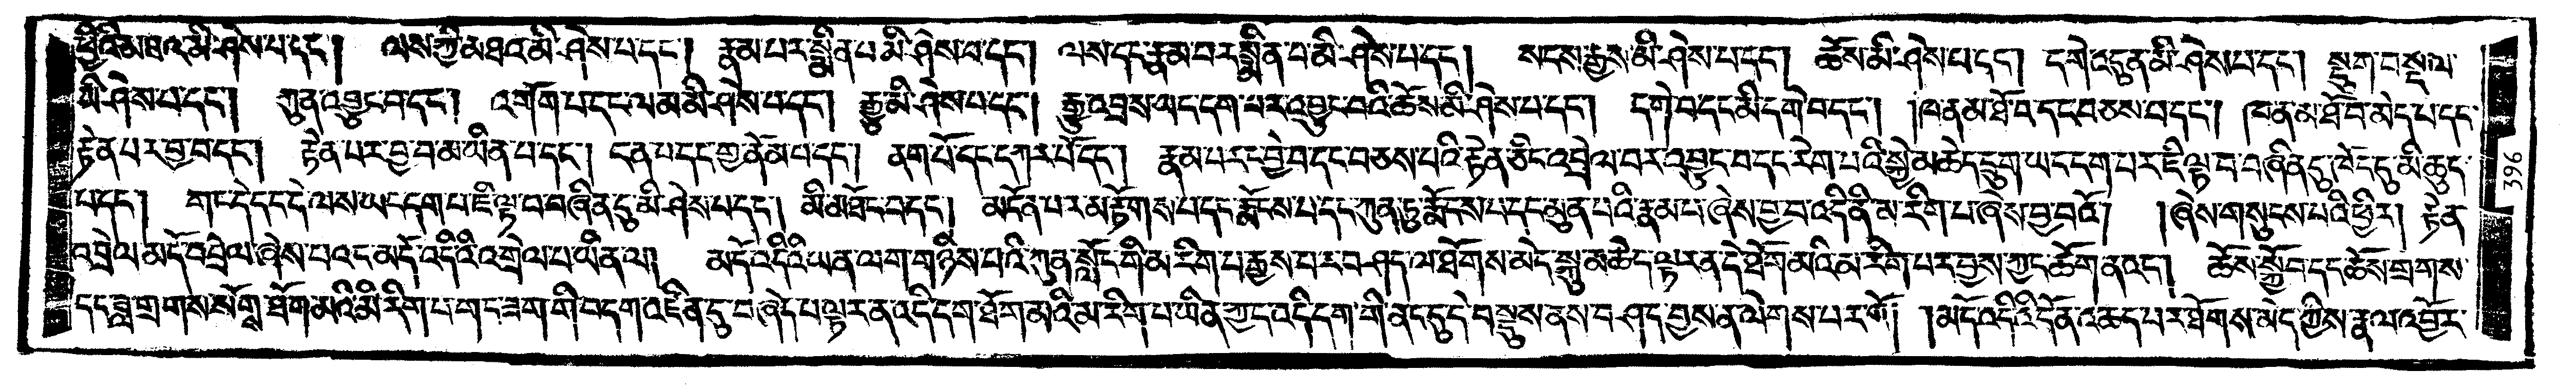ཕྱིའི་མཐའ་མི་ཤེས་པ་དང་། ལས་ཀྱི་མཐའ་མི་ཤེས་པ་དང་། རྣམ་པར་སྨིན་པ་མི་ཤེས་པ་དང་། ལས་དང་རྣམ་པར་སྨིན་པ་མི་ཤེས་པ་དང་། སངས་རྒྱས་མི་ཤེས་པ་དང་། ཆོས་མི་ཤེས་པ་དང་། དགེ་འདུན་མི་ཤེས་པ་དང་། སྡུག་བསྔལ་
ཡི་ཤེས་པ་དང་། ཀུན་འབྱུང་བ་དང་། འགོག་པ་དང་ལམ་མི་ཤེས་པ་དང་། རྒྱུ་མི་ཤེས་པ་དང་། རྒྱུ་འབྲས་ཡང་དག་པར་འབྱུང་བའི་ཆོས་མི་ཤེས་པ་དང་། དགེ་བ་དང་མི་དགེ་བ་དང་། །ཁ་ན་མ་ཐོ་བ་དང་བཅས་པ་དང་། ཁ་ན་མ་ཐོ་བ་མེད་པ་དང་
རྟེན་པར་བྱ་བ་དང་། རྟེན་པར་བྱ་བ་མ་ཡིན་པ་དང་། ངན་པ་དང་གྱ་ནོམ་པ་དང་། ནག་པོ་དང་དཀར་པོ་དང་། རྣམ་པར་དབྱེ་བ་དང་བཅས་པའི་རྟེན་ཅིང་འབྲེལ་བར་འབྱུང་བ་དང་རེག་པའི་སྐྱེ་མཆེད་དྲུག་ཡང་དག་པར་ཇི་ལྟ་བ་བཞིན་དུ་ཁོང་དུ་མི་ཆུད་
པ་དང་། གང་དེ་དང་དེ་ལས་ཡང་དག་པ་ཇི་ལྟ་བ་བཞིན་དུ་མི་ཤེས་པ་དང་། མི་མཐོང་བ་དང་། མངོན་པར་མ་རྟོགས་པ་དང་རྨོངས་པ་དང་ཀུན་ཏུ་རྨོངས་པ་དང་མུན་པའི་རྣམ་པ་ཞེས་བྱ་བ་འདི་ནི་མ་རིག་པ་ཞེས་བྱ་བའོ། །ཞེས་གསུངས་པའི་ཕྱིར། རྟེན་
འབྲེལ་མདོ་འབྲེལ་ཞེས་པའང་མདོ་འདིའི་འགྲེལ་པ་ཡིན་ལ། མདོ་འདིའི་ཡན་ལག་གཉིས་པའི་ཀུན་སློང་གི་མ་རིག་པ་རྒྱས་པར་བཤད་ལ་ཐོགས་མེད་སྐུ་མཆེད་ལྟར་ན་དེ་ཐོག་མའི་མ་རིག་པར་བྱས་ཀྱང་ཆོག་ནའང་། ཆོས་སྐྱོབ་དང་ཆོས་གྲགས་
དང་ཟླ་གྲགས་སོགས་ཐོག་མའི་མི་རིག་པ་གང་ཟག་གི་བདག་འཛིན་དུ་བཞེད་པ་ལྟར་ན་འདི་དག་ཐོག་མའི་མ་རིག་པ་ཡིན་ཀྱང་འདི་དག་གི་ནང་དུ་དེ་བསྡུས་ནས་བཤད་བྱས་ན་ལེགས་པར་གོ། །མདོ་འདིའི་དོན་འཆད་པར་ཐོགས་མེད་ཀྱིས་རྣལ་འབྱོར་